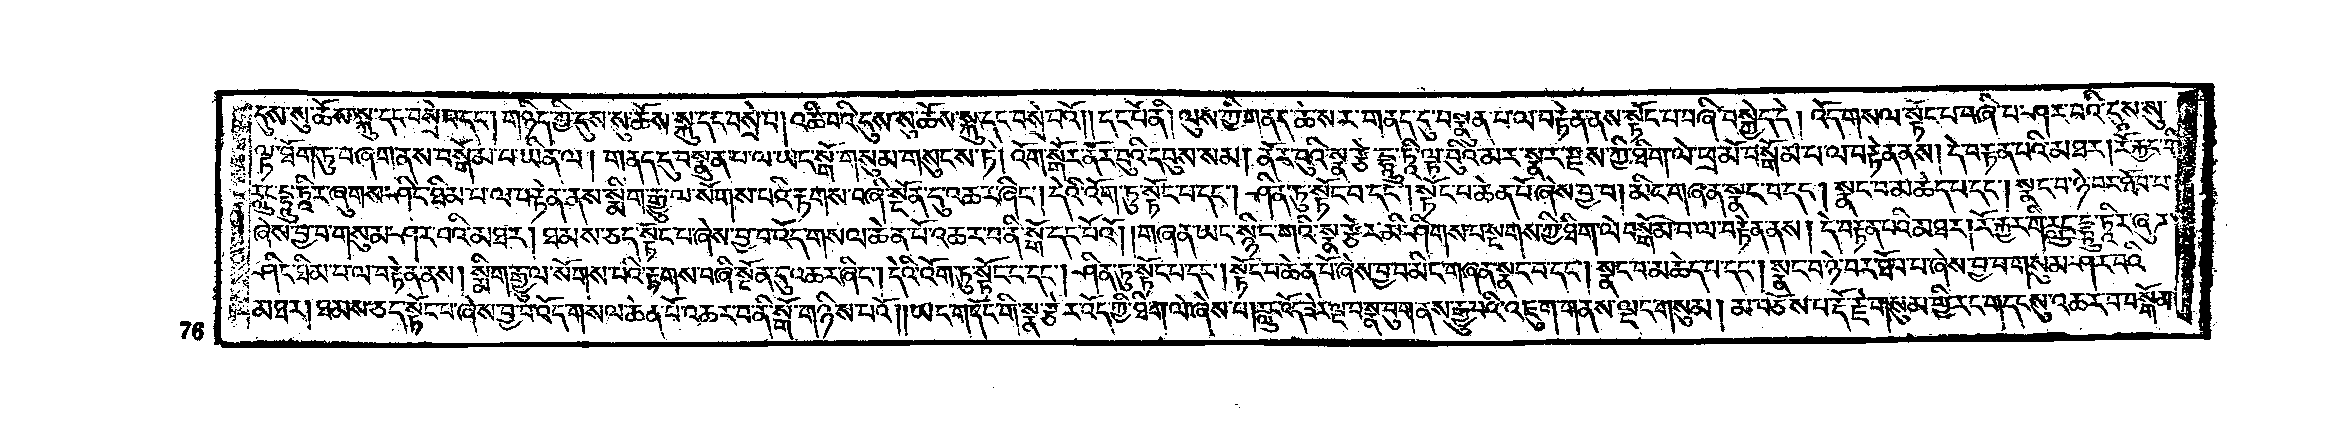དུས་སུ་ཆོས་སྐུ་དང་བསྲེ་བ་དང་། གཉིད་ཀྱི་དུས་སུ་ཆོས་སྐུ་དང་བསྲེ་བ། འཆི་བའི་དུས་སུ་ཆོས་སྐུ་དང་བསྲེ་བའོ། །དང་པོ་ནི། ལུས་ཀྱི་གནད་ཆེ་སར་གནད་དུ་བསྣུན་པ་ལ་བརྟེན་ནས་སྟོང་པ་བཞི་བསྐྱེད་དེ། འོད་གསལ་སྟོང་པ་བཞི་པ་ཤར་བའི་དུས་སུ་
ལྟ་ཐོག་ཏུ་བཞག་ནས་བསྒོམ་པ་ཡིན་ལ། གནད་དུ་བསྣུན་པ་ལ་ཡང་སྒོ་གསུམ་གསུངས་ཏེ། འོག་སྒོར་ནོར་བུའི་དབུས་སམ། ནོར་བུའི་སྣ་རྩེ་དྷཱུ་ཏཱི་ལྟ་བུའི་མར་སྣར་རྫས་ཀྱི་ཐིག་ལེ་ཕྲ་མོ་བསྒོམ་པ་ལ་བརྟེན་ནས། དེ་བརྟན་པའི་མཐར། རོ་རྐྱང་གི་
རླུང་དྷཱུ་ཏཱིར་ཞུགས་ཤིང་ཐིམ་པ་ལ་བརྟེན་ནས་སྨིག་རྒྱུ་ལ་སོགས་པའི་རྟགས་བཞི་སྔོན་དུ་འཆར་ཞིང་། དེའི་འོག་ཏུ་སྟོང་པ་དང་། ཤིན་ཏུ་སྟོང་པ་དང་། སྟོང་པ་ཆེན་པོ་ཞེས་བྱ་བ། མིང་གཞན་སྣང་བ་དང་། སྣང་བ་མཆེད་པ་དང་། སྣང་བ་ཉེ་བར་ཐོབ་པ་
ཞེས་བྱ་བ་གསུམ་ཤར་བའི་མཐར། ཐམས་ཅད་སྟོང་པ་ཞེས་བྱ་བ་འོད་གསལ་ཆེན་པོ་འཆར་བ་ནི་སྒོ་དང་པོའོ། །གཞན་ཡང་སྙིང་གའི་སྣ་རྩེར་མི་ཤིགས་པ་སྔགས་ཀྱི་ཐིག་ལེ་བསྒོམ་པ་ལ་བརྟེན་ནས། དེ་བརྟན་པའི་མཐར། རོ་རྐྱར་གི་རླུང་དྷཱུ་ཏཱིར་ཞུགས་
ཤིང་ཐིམ་པ་ལ་བརྟེན་ནས། སྨིག་རྒྱུ་ལ་སོགས་པའི་རྟགས་བཞི་སྔོན་དུ་འཆར་ཞིང་། དེའི་འོག་ཏུ་སྟོང་པ་དང་། ཤིན་ཏུ་སྟོང་པ་དང་། སྟོང་པ་ཆེན་པོ་ཞེས་བྱ་བ་མིང་གཞན་སྣང་བ་དང་། སྣང་བ་མཆེད་པ་དང་། སྣང་བ་ཉེ་བར་ཐོབ་པ་ཞེས་བྱ་བ་གསུམ་ཤར་བའི་
མཐར། ཐམས་ཅད་སྟོང་པ་ཞེས་བྱ་བ་འོད་གསལ་ཆེན་པོ་འཆར་བ་ནི་སྒོ་གཉིས་པའོ། །ཡང་གདོང་གི་སྣ་རྩེར་འོད་ཀྱི་ཐིག་ལེ་ཞེས་པ། རླུང་འོད་ཟེར་ལྔ་པ་སྣ་བུག་ནས་རྒྱུ་བའི་འཇུག་གནས་ལྡང་གསུམ། མ་བཅོས་པ་རྡོ་རྗེ་གསུམ་གྱི་རང་གདངས་སུ་འཆར་བ་བསྒོམ་